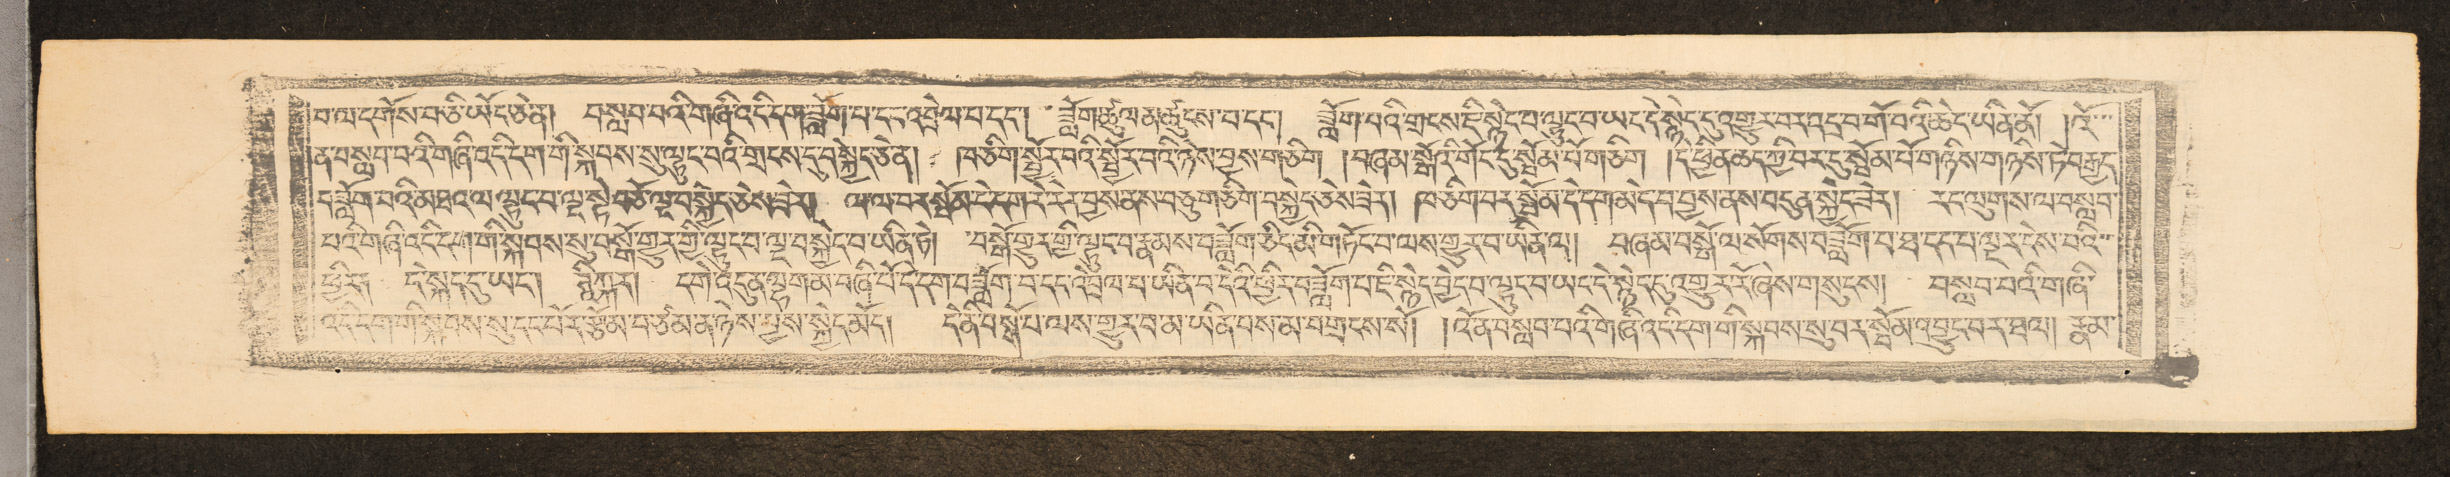པ་ལ་དགོས་པ་ཅི་ཡོད་ཅེ་ན། བསླབ་པའི་གཞི་འདི་དག་ཟློག་པ་དང་འབྲེལ་པ་དང་། ཟློག་ཚུལ་མཚུངས་པ་དང་། ཟློག་བའི་གྲངས་ཇི་སྙེད་པ་ལྟུང་བ་ཡང་དེ་སྙེད་དུ་འགྱུར་བར་འདྲ་བ་གོ་བའི་ཆེད་ཡིན་ནོ། །འོ་
ན་བསླབ་པའི་གཞི་འདི་དག་གི་སྐབས་སུ་ལྟུང་བའི་གྲངས་དུ་བསྐྱེད་ཅེ་ན། ཁ་ཅིག་སྦྱོར་བའི་སྦྱོར་བའི་ཉེས་བྱས་གཅིག །བཞམ་སྒོའི་གོང་དུ་སྦོམ་པོ་གཅིག །དེ་ཕྱིན་ཆད་ཀྱི་བར་དུ་སྦོམ་པོ་གཉིས་གཉིས་ཏེ་བརྒྱད་
བཟློག་པའི་མཐའ་ལ་ལྟུང་བ་ལྔ་སྟེ་བཅོ་ལྔ་བསྐྱེད་ཅེས་ཟེར། ལ་ལ་བར་སྦོམ་དེ་དག་རེ་རེར་བྱས་ནས་བཅུ་གཅིག་བསྐྱེད་ཅེས་ཟེར། ཁ་ཅིག་བར་སྦོམ་དེ་དག་མེད་པ་བྱས་ནས་བདུན་སྐྱེད་ཟེར། རང་ལུགས་ལ་བསླབ་
པའི་གཞི་འདི་དག་གི་སྐབས་སུ་བསྒོ་གྱུར་གྱི་ལྟུང་བ་ལྔ་བསྐྱེད་པ་ཡིན་ཏེ། བསྒོ་གྱུར་གྱི་ལྟུང་བ་རྣམས་བཟློག་ཅིང་མི་གཏོང་བ་ལས་གྱུར་པ་ཡིན་ལ། བཞམ་བསྒོ་ལ་སོགས་བཟློག་པ་ཐ་དད་པ་ལྔར་དེས་པའི་
ཕྱིར། དེ་སྐད་དུ་ཡང་། ཊཱིཀྐར། དགེ་འདུན་ལྷག་མ་བཞི་པོ་དེ་དག་བཟློག་པ་དང་འབྲེལ་པ་ཡིན་པ་དེའི་ཕྱིར་བཟློག་པ་ཇི་སྙེད་བྱེད་པ་ལྟུང་བ་ཡང་དེ་སྙེད་དུ་འགྱུར་རོ་ཞེས་གསུངས། བསླབ་པའི་གཞི་
འདི་དག་གི་སྐབས་སུ་དང་པོར་རྩོམ་བ་ཙམ་ན་ཉེས་བྱས་སྐྱེད་མོད། དེ་ནི་བསྒོ་བ་ལས་གྱུར་པ་མ་ཡིན་པས་མ་བགྲངས་སོ། །འོ་ན་བསླབ་པའི་གཞི་འདི་དག་གི་སྐབས་སུ་བར་སྦོམ་འབྱུང་བར་ཐལ། རྣམ་